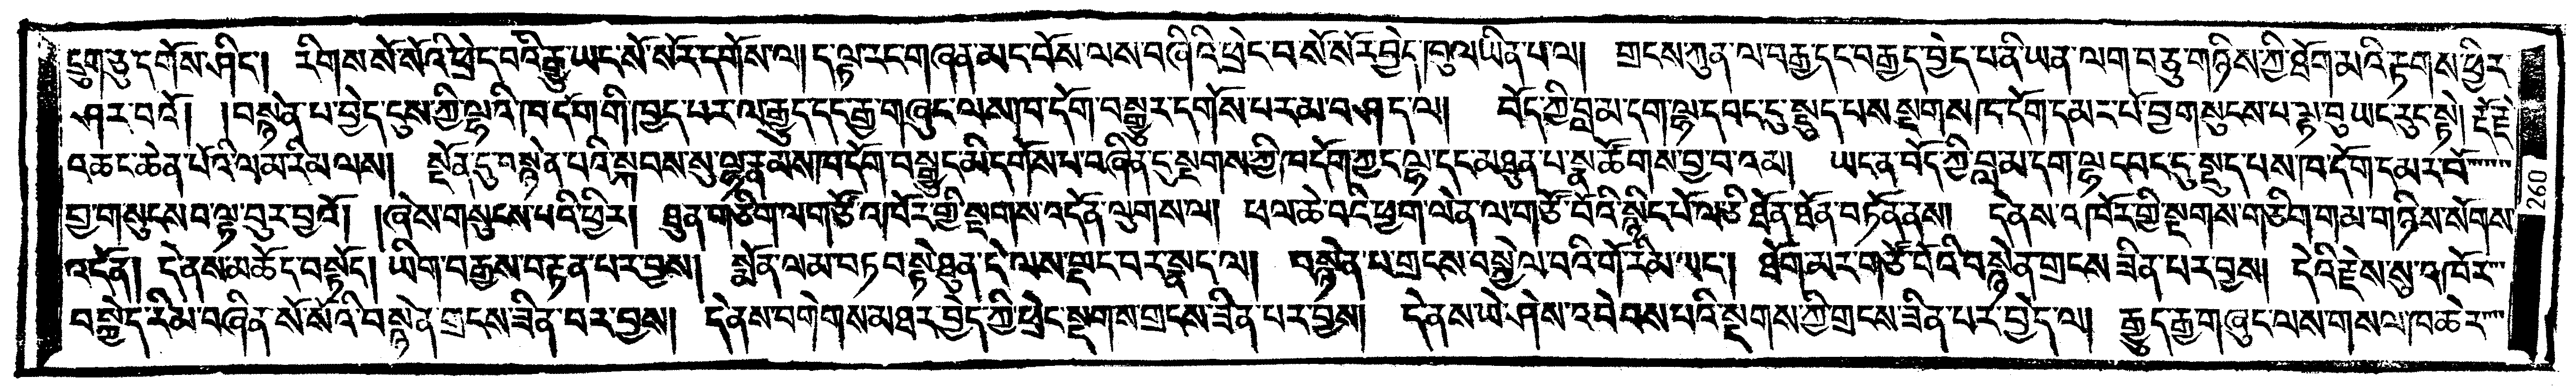དྲུག་ཅུ་དགོས་ཤིང་། རིགས་སོ་སོའི་ཕྲེང་བའི་རྒྱུ་ཡང་སོ་སོར་དགོས་ལ། ད་ལྟ་རང་གཞན་མང་པོས་ལས་བཞིའི་ཕྲེང་བ་སོ་སོར་བྱེད་ཁུལ་ཡིན་པ་ལ། གྲངས་ཀུན་ལ་བརྒྱ་དང་བརྒྱད་བྱེད་པ་ནི་ཡན་ལག་བཅུ་གཉིས་ཀྱི་ཐོག་མའི་རྟགས་ཕྱིར་
ཤར་བའོ། །བསྙེན་པ་བྱེད་དུས་ཀྱི་ལྷའི་ཁ་དོག་གི་ཁྱད་པར་ལ་རྒྱུད་དང་རྒྱ་གཞུང་ལས་ཁ་དོག་བསྒྱུར་དགོས་པར་མ་བཤད་ལ། བོད་ཀྱི་བླ་མ་དག་ལྷ་དབང་དུ་སྡུད་པས་སྔགས་ཁ་དོག་དམར་པོ་བྱ་གསུངས་པ་ལྟ་བུ་ཡང་རུང་སྟེ། རྡོ་རྗེ་
འཆང་ཆེན་པོའི་ལམ་རིམ་ལས། སྔོན་དུ་བསྙེན་པའི་སྐབས་སུ་ལྷ་རྣམས་ཁ་དོག་བསྒྱུད་མི་དགོས་པ་བཞིན་དུ་སྔགས་ཀྱི་ཁ་དོག་ཀྱང་ལྷ་དང་མཐུན་པ་སྣ་ཚོགས་བྱ་བ་འམ། ཡང་ན་བོད་ཀྱི་བླ་མ་དག་ལྷ་དབང་དུ་སྡུད་པས་ཁ་དོག་དམར་པོ་
བྱ་གསུངས་བ་ལྟ་བུར་བྱའོ། །ཞེས་གསུངས་པའི་ཕྱིར། ཐུན་གཅིག་ལ་གཙོ་འཁོར་གྱི་སྔགས་འདོན་ལུགས་ལ། ཕལ་ཆེ་བའི་ཕྱག་ལེན་ལ་གཙོ་བོའི་སྙིང་པོ་ལ་ཅི་ཐོན་ཐོན་བཏོན་ནས། དེ་ནས་འཁོར་གྱི་སྔགས་གཅིག་གམ་གཉིས་སོགས་
འདོན། དེ་ནས་མཆོད་བསྟོད། ཡིག་བརྒྱས་བརྟན་པར་བྱས། སྨོན་ལམ་བཏབ་སྟེ་ཐུན་དེ་ལས་ལྡང་བར་སྣང་ལ། བསྙེན་པ་གྲངས་བསྐྱེལ་བའི་གོ་རིམ་ཡང་། ཐོག་མར་གཙོ་བོའི་བསྙེན་གྲངས་ཟིན་པར་བྱས། དེའི་རྗེས་སུ་འཁོར་
བསྐྱེད་རིམ་བཞིན་སོ་སོའི་བསྙེན་གྲངས་ཟིན་པར་བྱས། དེ་ནས་བགེགས་མཐར་བྱེད་ཀྱི་ཕྲེང་སྔགས་གྲངས་ཟིན་པར་བྱས། དེ་ནས་ཡེ་ཤེས་འབེབས་པའི་སྔགས་ཀྱི་གྲངས་ཟིན་པར་བྱེད་ལ། རྒྱུད་རྒྱ་གཞུང་ལས་གསལ་ཁ་ཆེར་